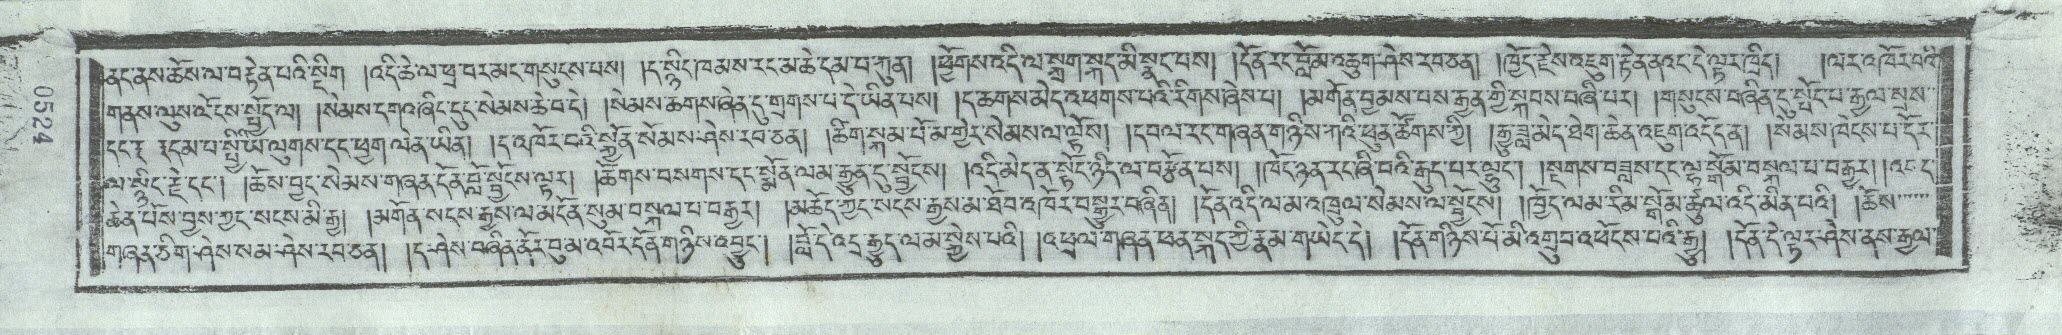ནང་ནས་ཆོས་ལ་བརྟེན་པའི་སྡིག །འདི་ཆེ་ལ་ཕྲ་བར་མང་གསུངས་པས། །ད་སྙིང་ཁམས་རང་མ་ཆེ་དམ་པ་ཀུན། །ཕྱོགས་འདི་ལ་སྐྲག་སྐད་མི་སྣང་བས། །དོན་རང་བློ་མ་འཆུག་ཤེས་རབ་ཅན། །ཁྱོད་རྗེས་འཇུག་རྟེན་ནའང་དེ་ལྟར་ཁྲིད། །ལར་འཁོར་བའི་
གནས་ལུས་འོངས་སྤྱོད་ལ། །སེམས་དགའ་ཞིང་དུང་སེམས་ཆེ་བ་དེ། །སེམས་ཆགས་ཞེན་དུ་གྲགས་པ་དེ་ཡིན་པས། །ད་ཆགས་མེད་འཕགས་པའི་རིགས་ཞེས་པ། །མགོན་བྱམས་པས་རྒྱན་གྱི་སྐབས་བཞི་པར། །གསུངས་བཞིན་དུ་སྤོང་པ་རྒྱལ་སྲས་
དང༑ ༑དམ་པ་སྤྱི་ཡི་ལུགས་དང་ཕྱག་ལེན་ཡིན། །ད་འཁོར་བའི་སྐྱོན་སེམས་ཤེས་རབ་ཅན། །ཚིག་སྐམ་པོ་མ་གྱེར་སེམས་ལ་ལྟོས། །དཔལ་རང་གཞན་གཉིས་ཀའི་ཕུན་ཚོགས་ཀྱི། །རྒྱུ་ཟླ་མེད་ཐེག་ཆེན་འཇུག་འདོད་ན། །སེམས་ཁེངས་པ་དོར་
ལ་སྙིང་རྗེ་དང་། །ཆོས་བྱང་སེམས་གཞན་དོན་བློ་སྦྱོངས་ལྟར། །ཆོགས་བསགས་དང་སྨོན་ལམ་རྒྱུན་དུ་སྦྱོངས། །འདི་མེད་ན་སྟོང་ཉིད་ལ་བརྩོན་པས། །ཁོང་ཉན་རང་ཞི་བའི་རྒུད་པར་ལྷུང་། །སྔགས་བཟླས་དང་ལྷ་སྒོམ་བསྐལ་པ་བརྒྱར། །འབད་
ཆེན་པོས་བྱས་ཀྱང་སངས་མི་རྒྱ། །མགོན་སངས་རྒྱས་ལ་མངོན་སུམ་བསྐལ་པ་བརྒྱར། །མཆོད་ཀྱང་སངས་རྒྱས་མ་ཐོབ་འཁོར་བསྒྱུར་བཞིན། །དོན་འདི་ལམ་འཁྲུལ་སེམས་ལ་སྦྱོངས། །ཁྱོད་ལམ་རིམ་སྒོམ་ཚུལ་འདི་མིན་པའི། །ཆོས་
གཞན་ཅིག་ཤེས་སམ་ཤེས་རབ་ཅན། །ད་ཤེས་བཞིན་ནོར་བུམ་འབོར་དོན་གཉིས་འབྱུང་། །བློ་དེ་འདྲ་རྒྱུད་ལ་མ་སྐྱེས་པའི། །འཕྲལ་གཞན་ཕན་སྐད་ཀྱི་རྣམ་གཡེང་དེ། །དོན་གཉིས་པོ་མི་འགྲུབ་འཕོངས་པའི་རྒྱུ། །དོན་དེ་ལྟར་ཤེས་ནས་རྒྱལ་